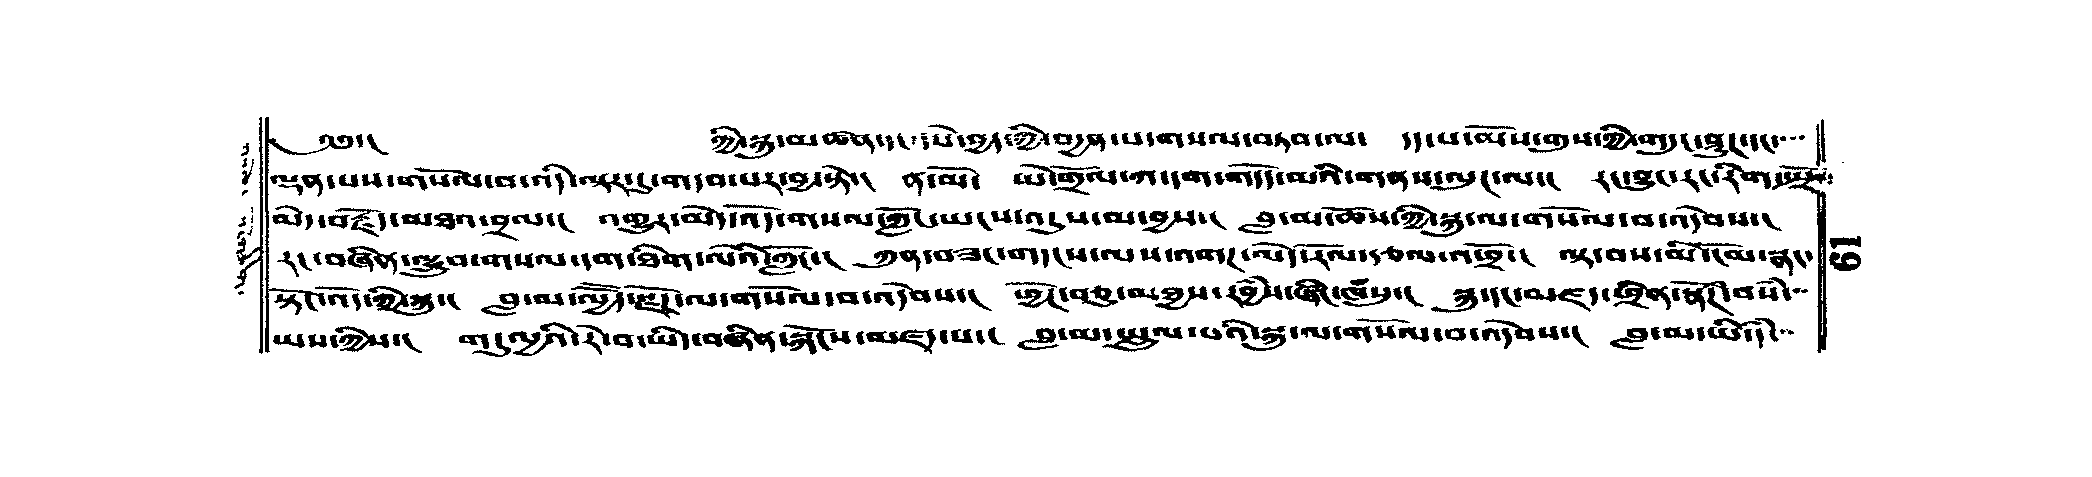ཀྱི་སྐུ་མཚན་དང་དཔེ་བྱད་ཀྱི་བརྒྱན་པ་གསལ་བཏབ་ལ། དད་པ་མོས་གུས་ཀྱི་གདུང་ཤུགས་དང་
ལྡན་པས་གསོལ་བ་འདི་ལྟར་དུ་གདབ་པར་བྱ་སྟེ། ན་མོ། ཡེ་གྲོལ་ཀ་དག་གདོད་མའི་གནས་ལུགས་ལ། །རང་བྱུང་རང་རིག་སྤྲོ་
མེད་བརྗོད་མཐའ་བྲལ། །འགྱུར་མེད་འོད་གསལ་ཀློང་ཡངས་འདུས་མ་བྱས། །བླ་མ་ཆོས་ཀྱི་སྐུ་ལ་གསོལ་བ་འདེབས། །
རང་བཞིན་ལྷུན་གྲུབ་གསལ་དག་ཐིག་ལེའི་ཀློང་། །ཀུན་བཟང་གདངས་ལས་འགགས་མེད་རོལ་རྩལ་འཕྲོ། །ལྟ་བས་མི་ངོམ་སྣང་
སྟོང་འོད་ཀྱི་སྐུ། །བླ་མ་ལོངས་སྤྱོད་རྫོགས་ལ་གསོལ་བ་འདེབས། །ཕྱོགས་བཅུ་མཐའ་ཡས་རྒྱས་རབ་འབྱམས་ཞིང་ཁམས་སུ། །སྐུ་དང་མཛད་ཕྲིན་སྣ་ཚོགས་བསམ་
ཡས་ཀྱིས། །གདུལ་བྱའི་རེ་བ་ཡིད་བཞིན་སྐོང་མཛད་པ། །བླ་མ་སྤྲུལ་པའི་སྐུ་ལ་གསོལ་བ་འདེབས། །བླ་མ་ཡི་དམ་